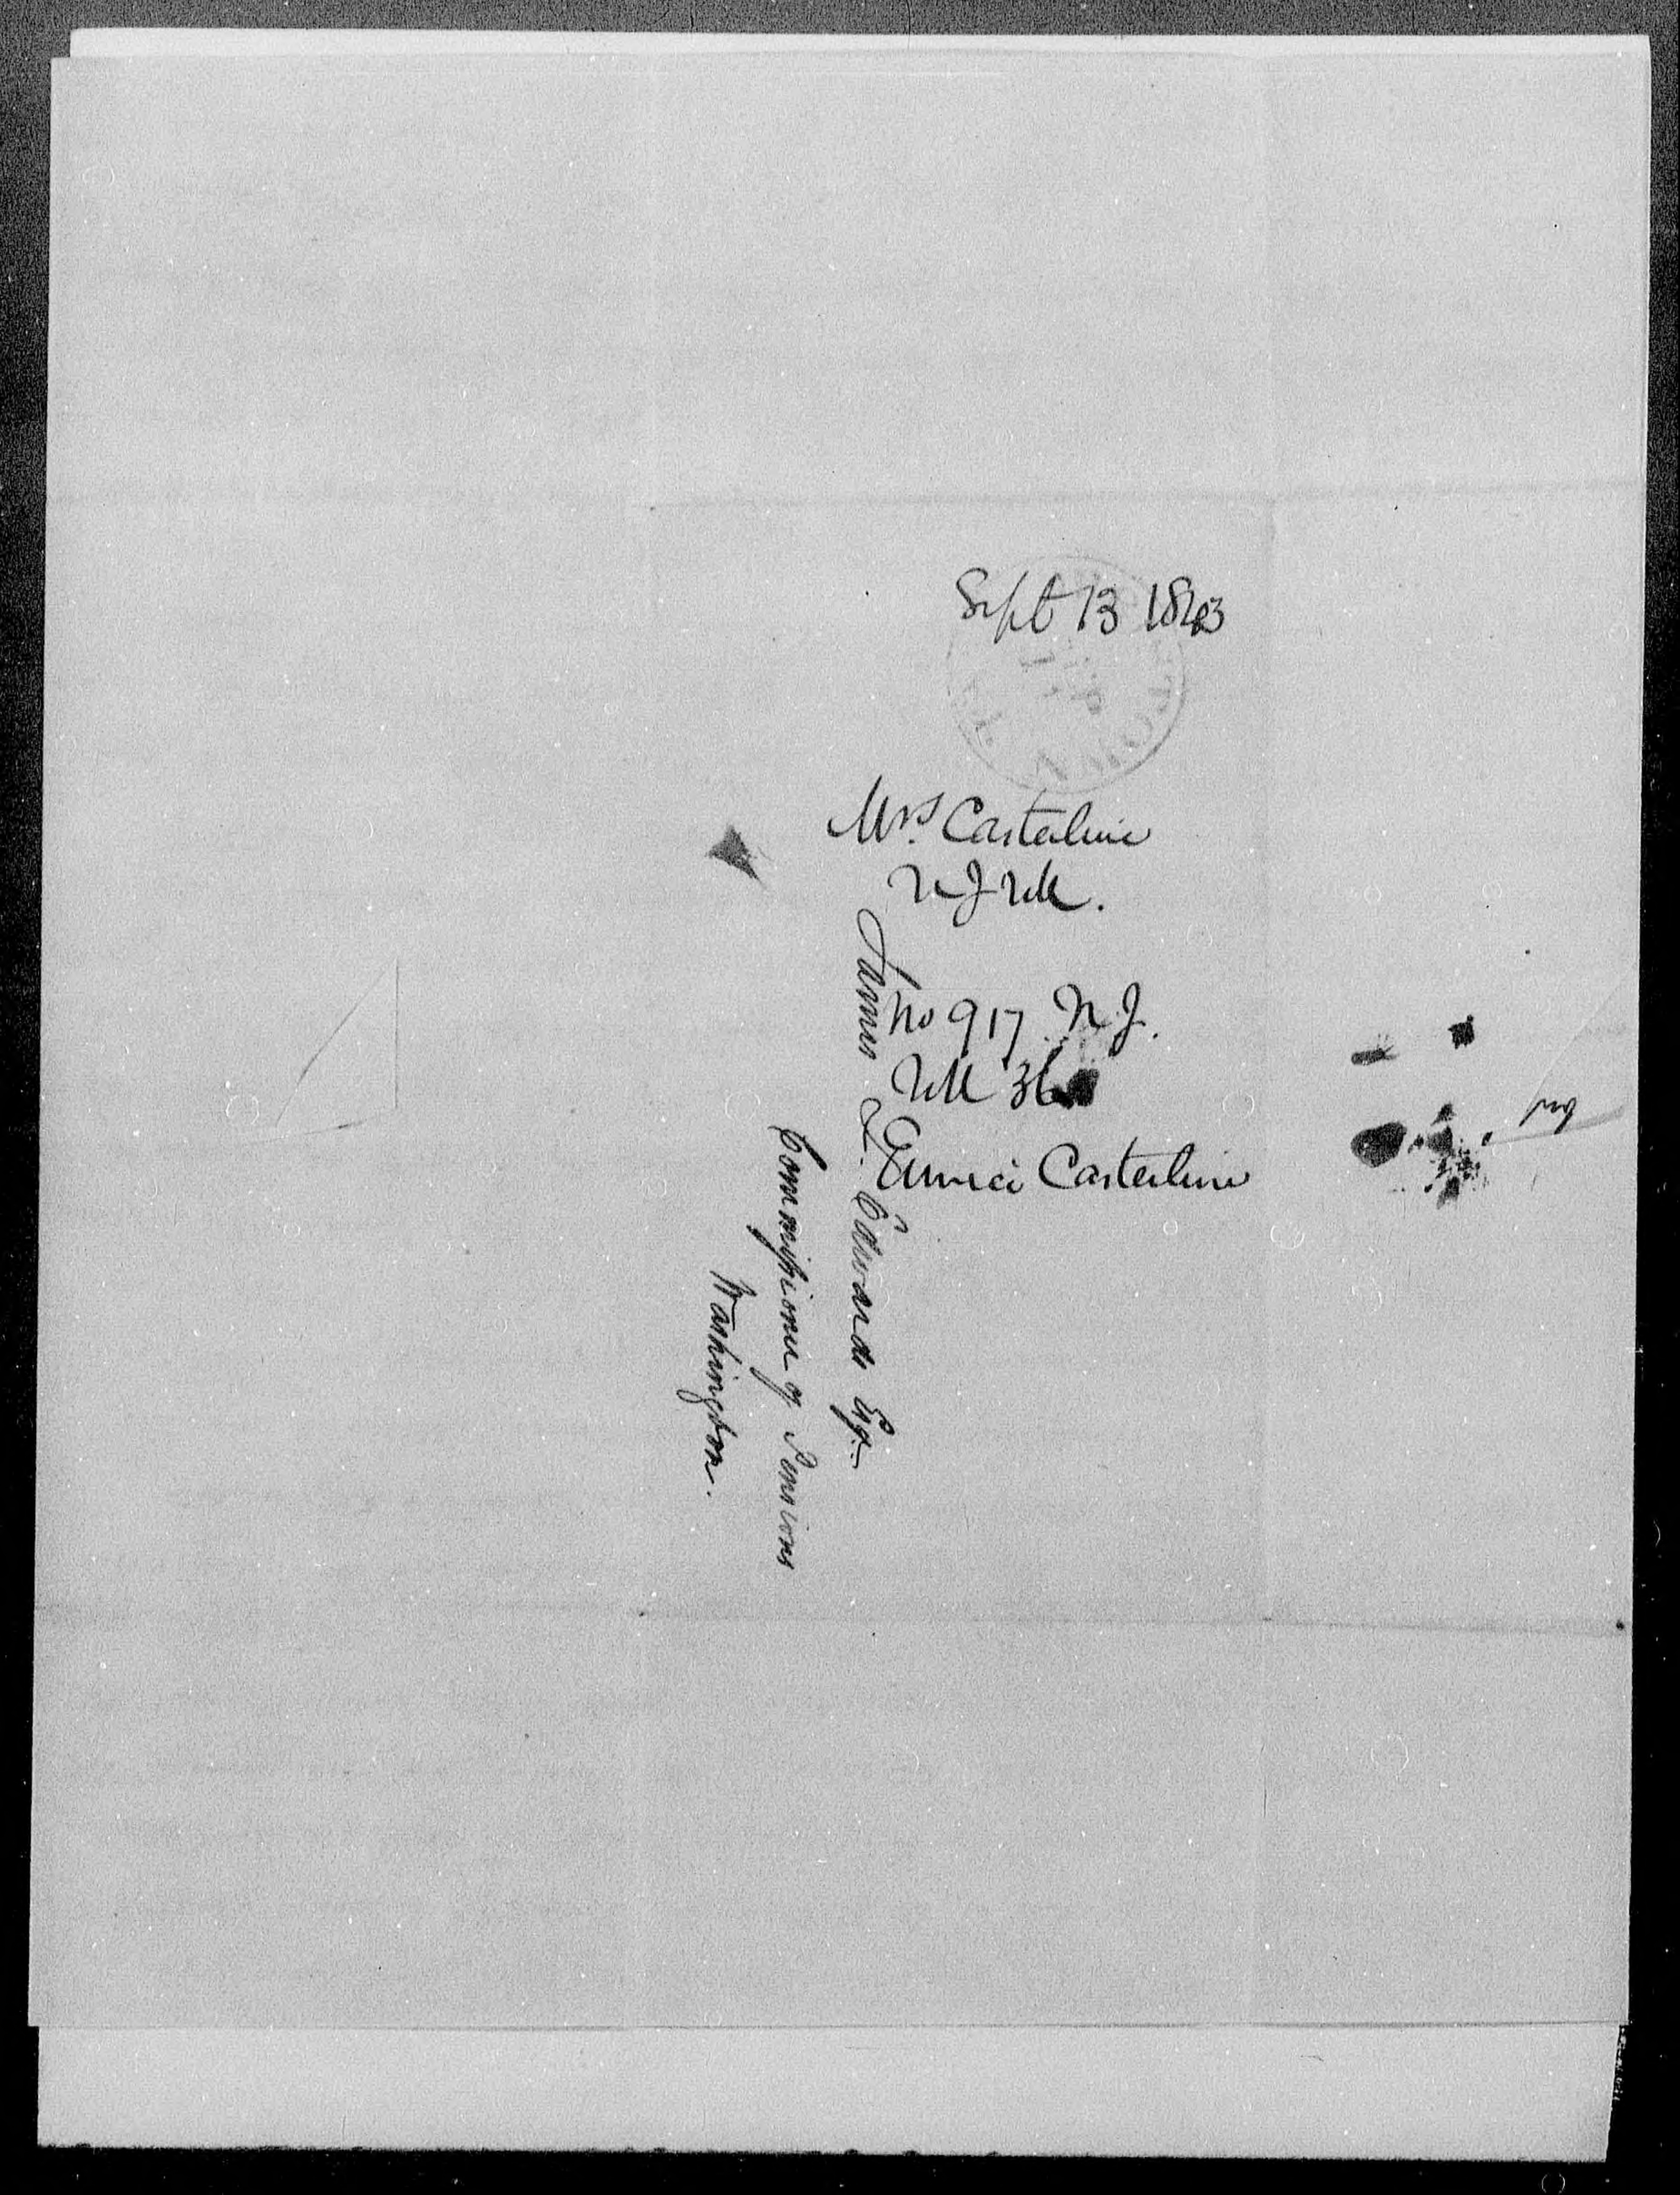Sept 13 1843

Mrs Casterline
N. J. 

No. 917 N. J
Wll 36
Eunice Casterline

[sideways]
James L Edwards Esq
Commissioner of Pensions
Markington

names: James L Edwards, Eunice Casterline, Casterline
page: 36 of 38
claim: widow's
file: W. 6644, Jacob Casterline, New Jersey